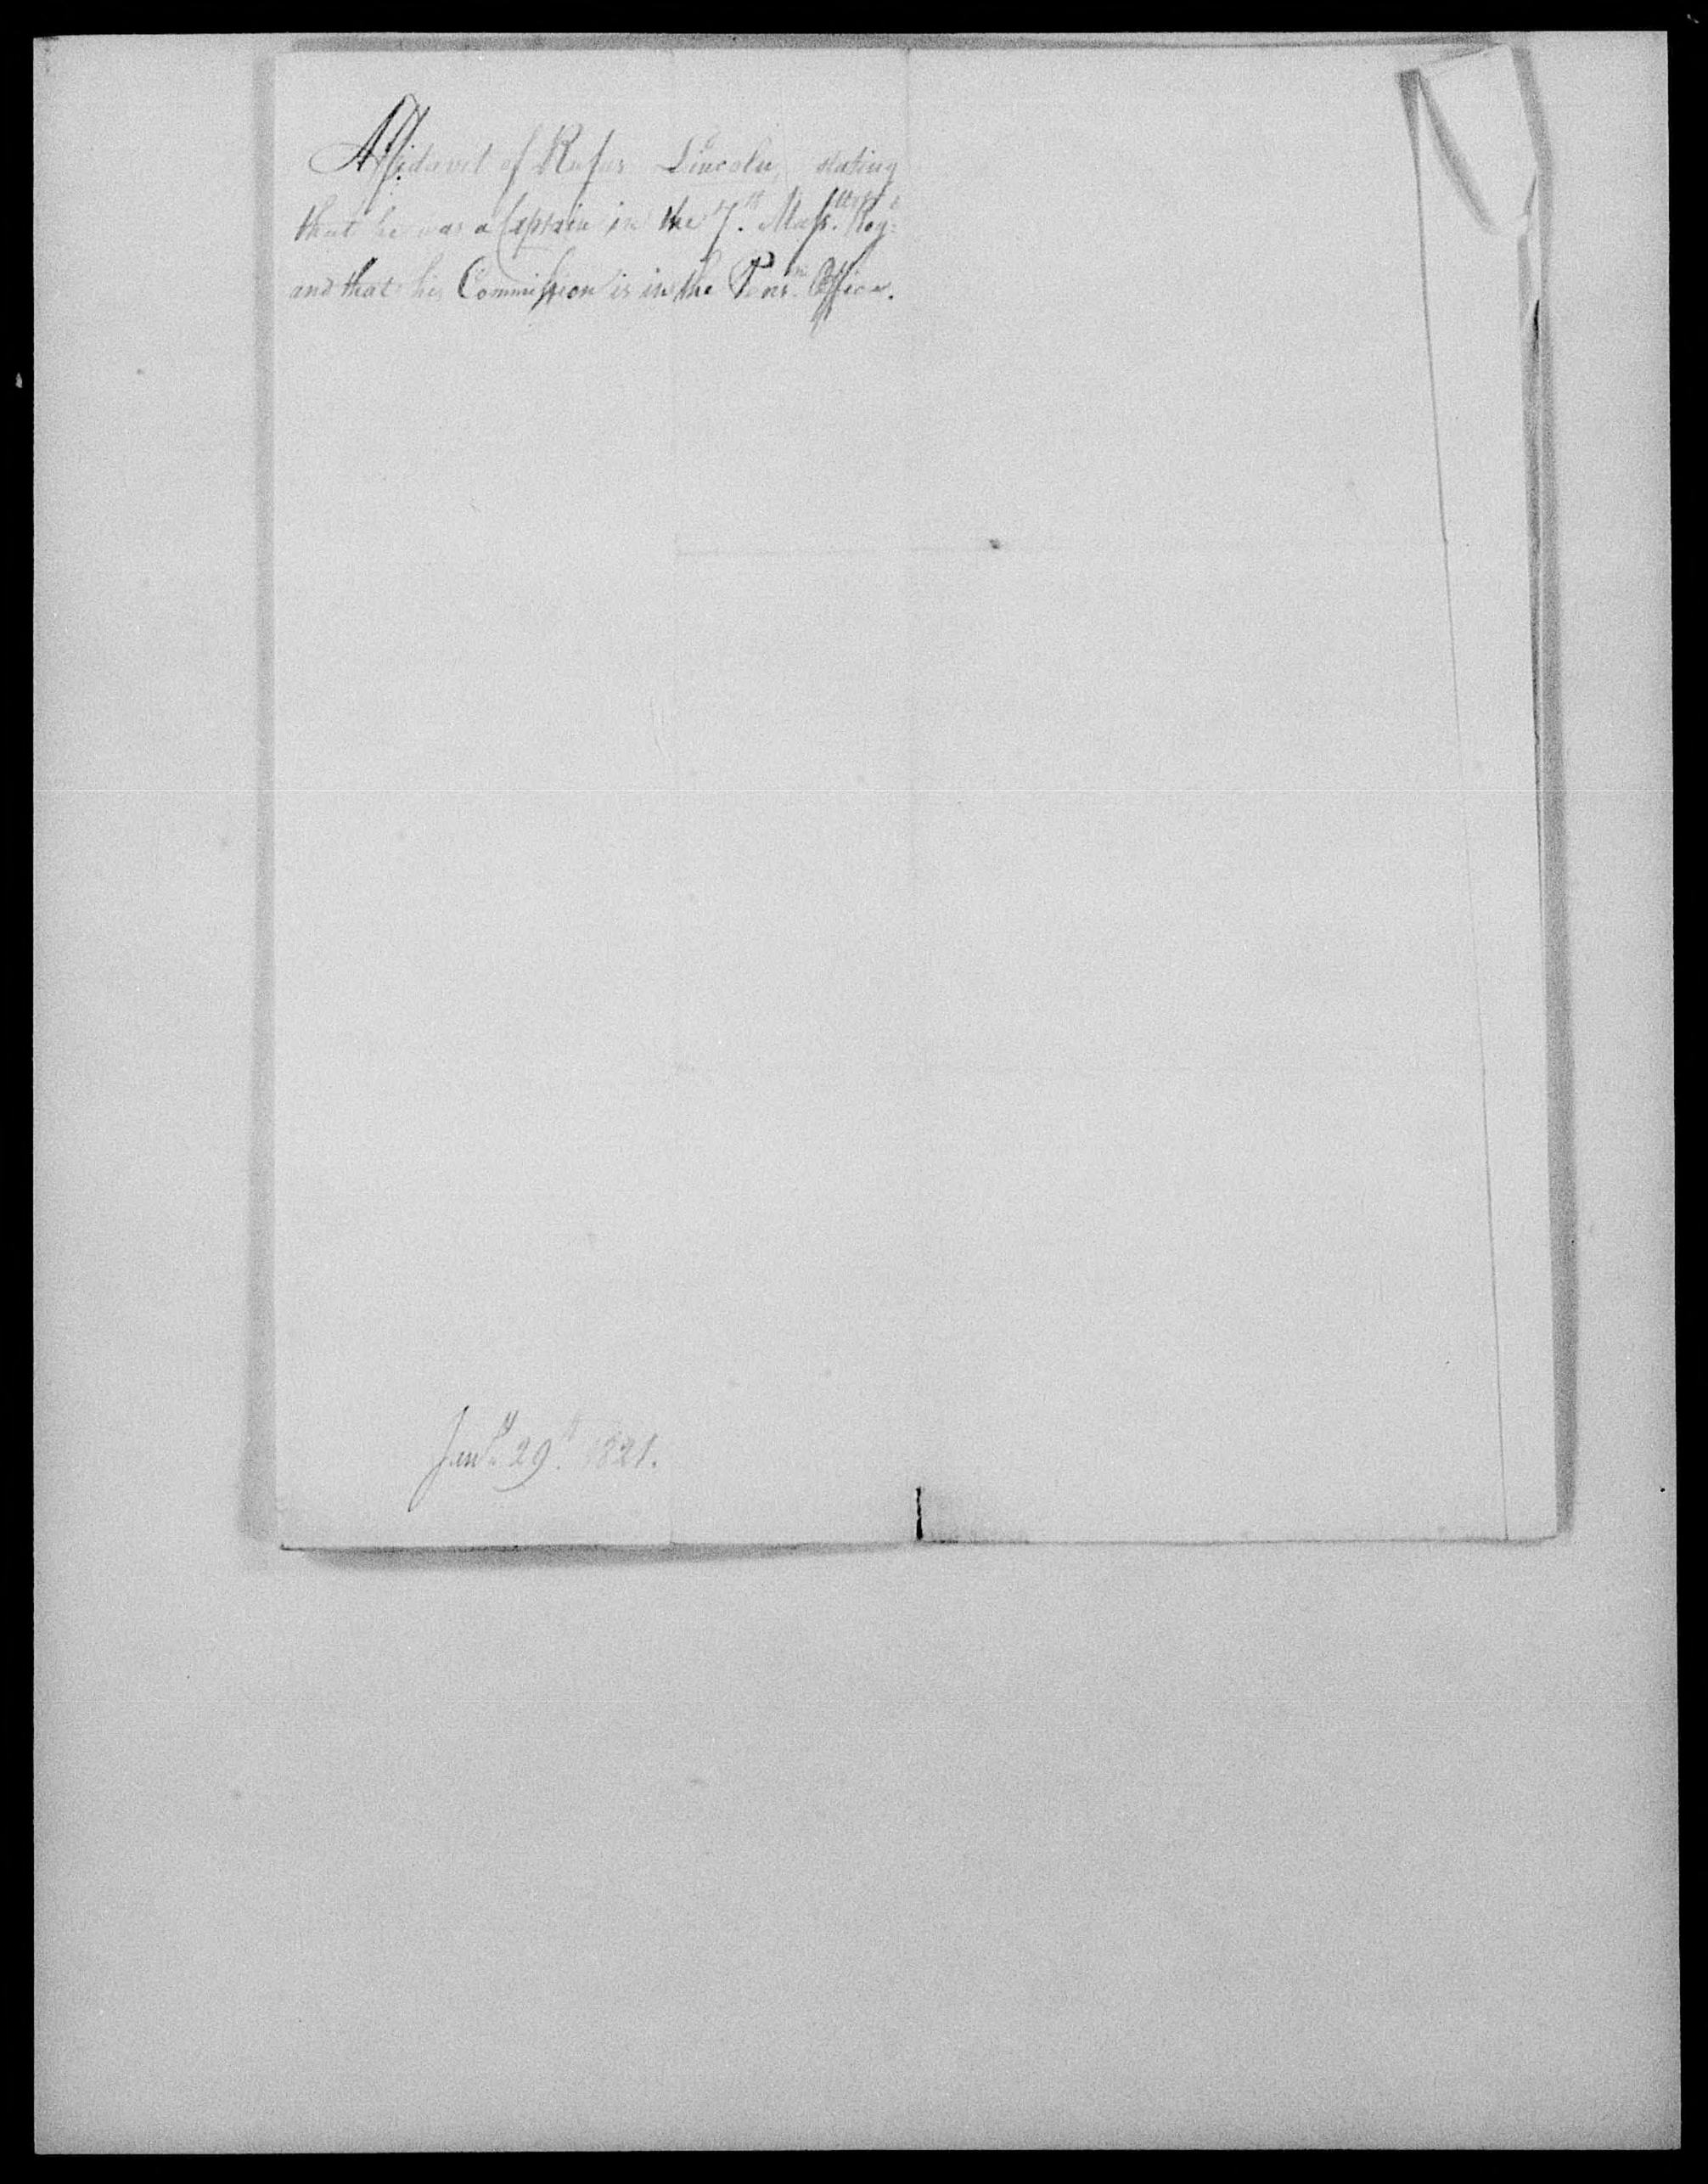Affidavit of Rufus Lincoln stating that he was a Captain  in the 7th Mass'tts Reg and that  his Commission is in the Pension Office.
Jany 29th 1821.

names: Rufus Lincoln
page: 26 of 82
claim: widow's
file: W. 13,634, for Rufus Lincoln, Massachusetts